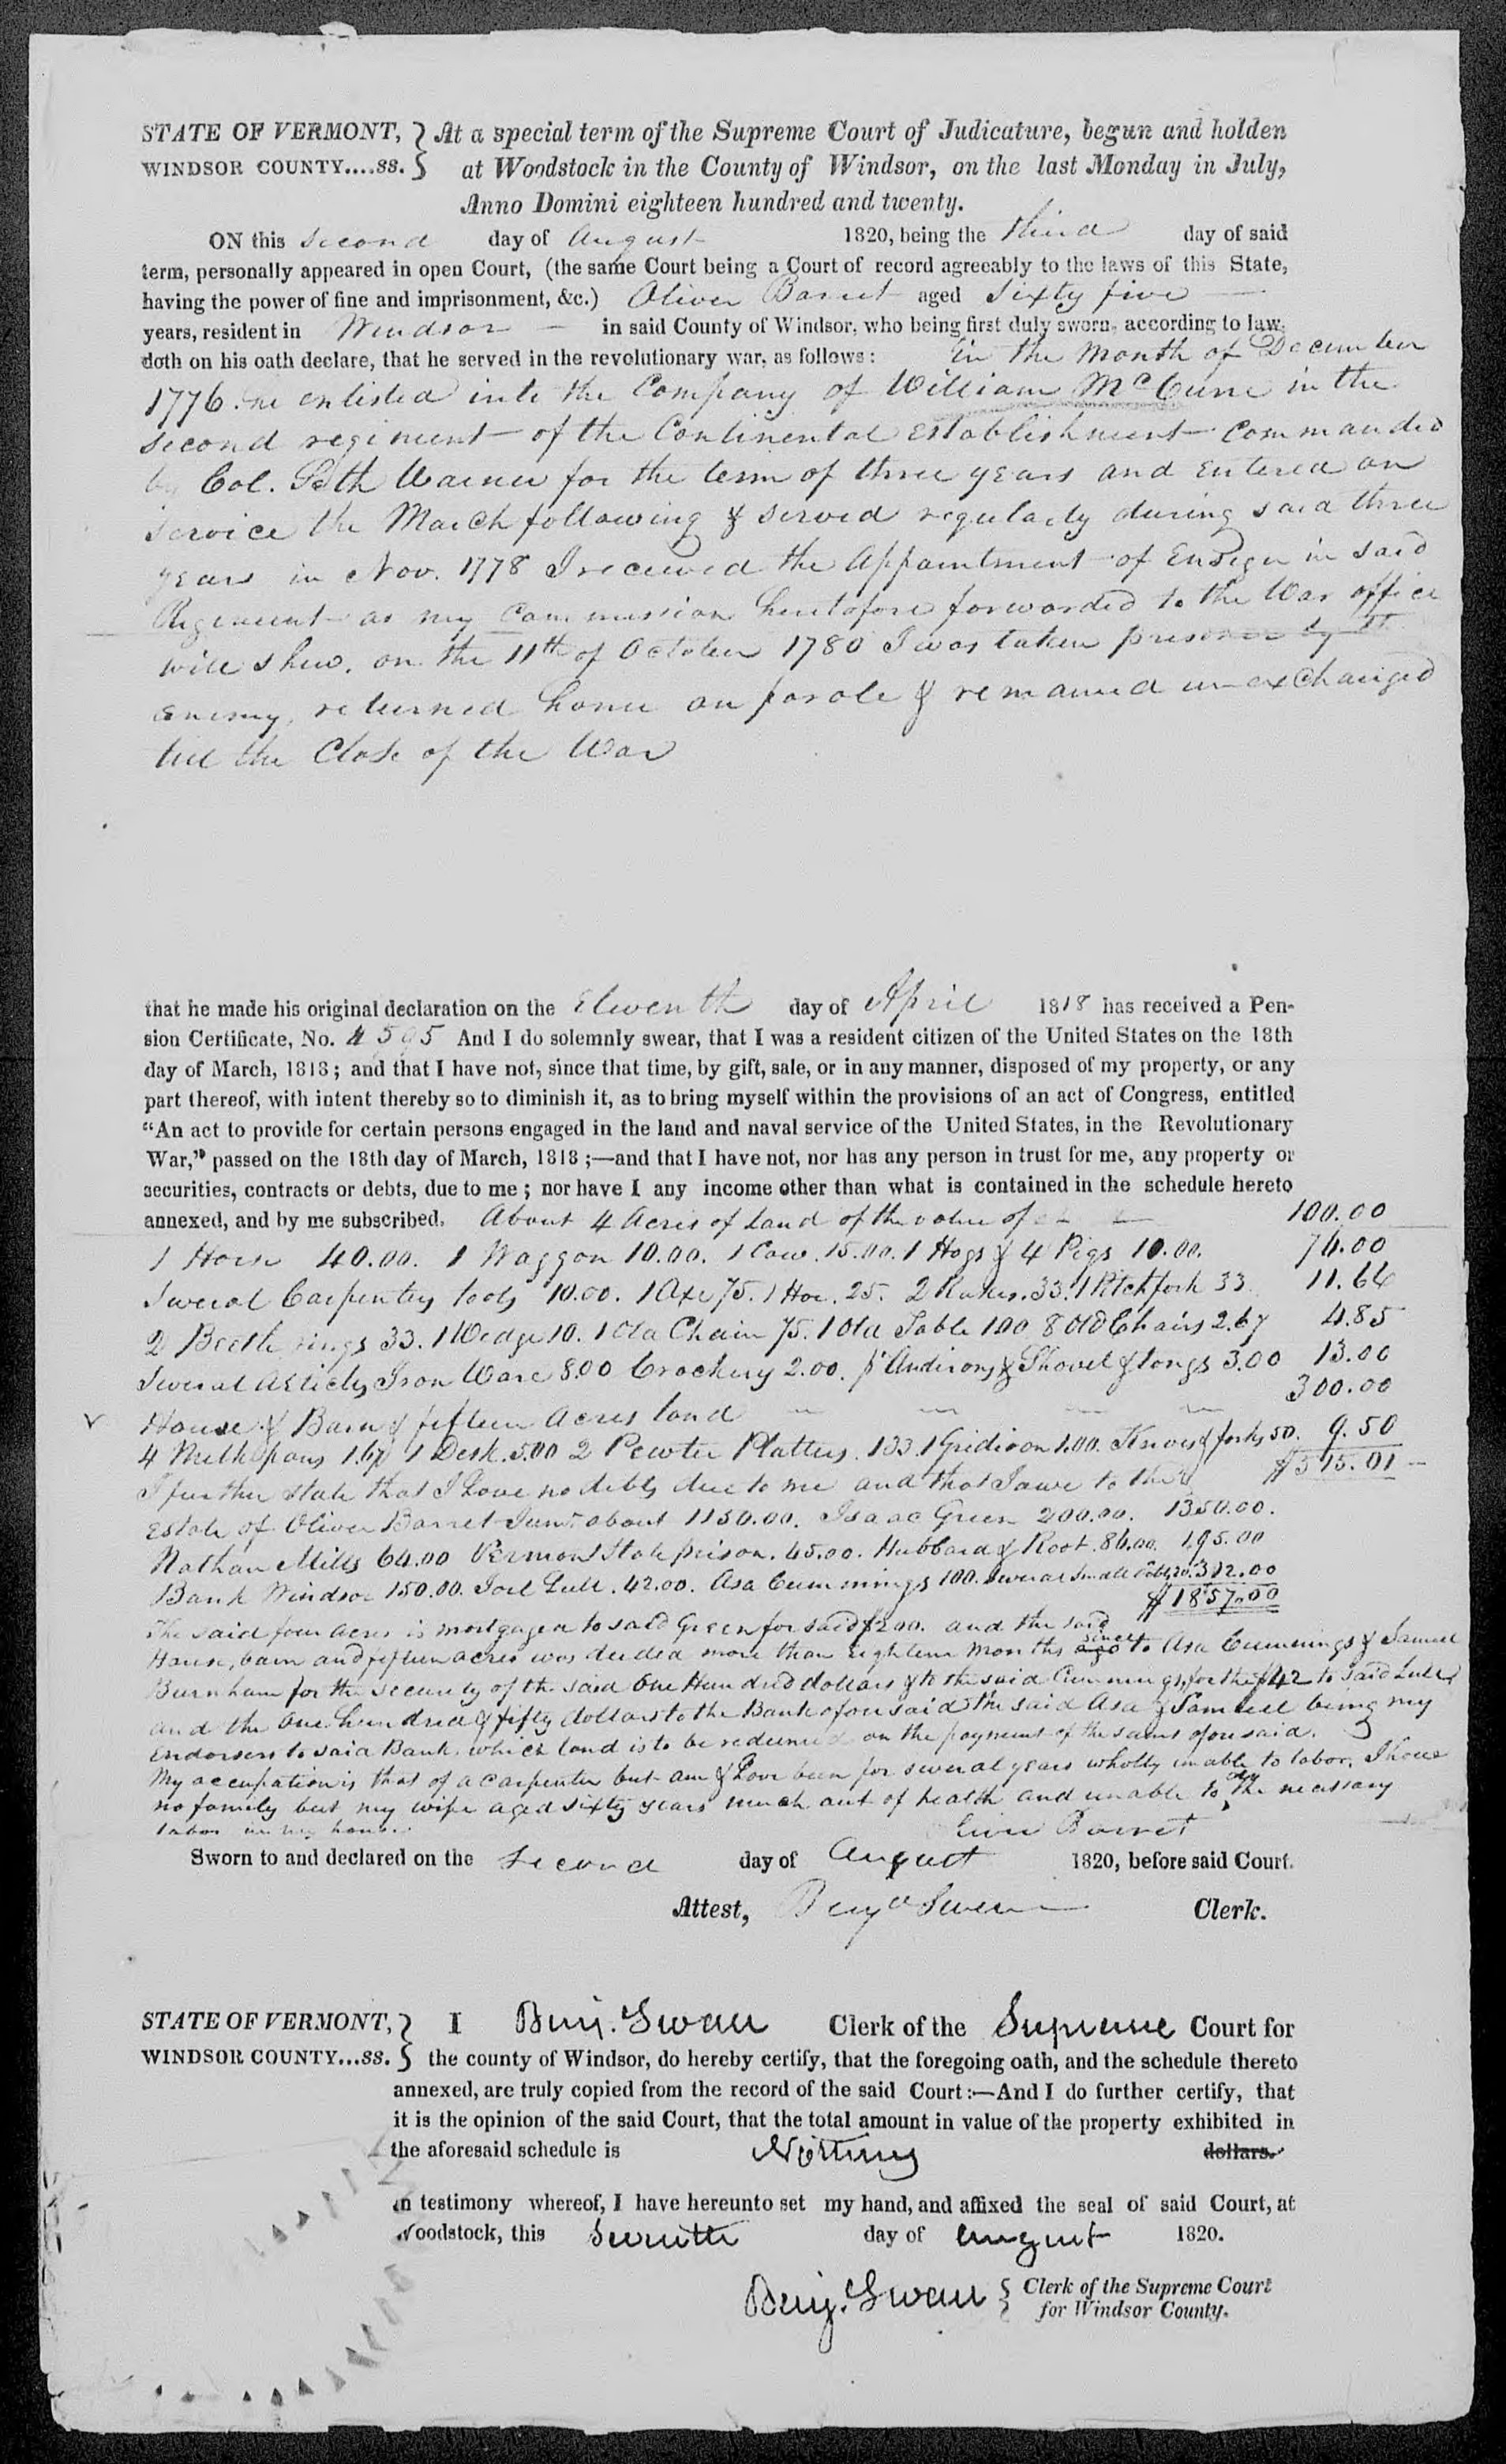State of Vermont,
Windsor County...SS} At a special term of the Supreme Court of Judicature, begun and holden at Woodstock in the County of Windsor, on the last Monday in July, Anno Domini eighteen hundred and twenty.
On this second day of August 1820, being the third day of said term, personally appeared in open Court, (the same Court being a Court of record agreeably to the laws of this State, having the power of fine and imprisonment, &c.) Oliver Barret aged sixty five years, resident in Windsor in said County of Windsor, who being first duly sworn according to law, doth on his oath declare, that he served in the revolutionary war, as follows: In the month of December 1776, he enlisted into the Company of William McCune in the second regiment of the Continental Establishment commanded by Col. Seth Warner for the term of three years and entered on service the March following & served regularly during said three years in Nov. 1778 I received the appointment of Ensign in said Regiment as my commission heretofore forwarded to the War Office will show, on the 11th of October 1780, I was taken prisoner by the enemy, returned home on parole & remained unexchanged till the Close of the War. 

that he made his original declaration on the Eleventh day of April 1818 has received a Pension Certificate No. 4505 And I do solemnly swear, that I was a resident citizen of the United States on the 18th day of March, 1818; and that I have not, since that time, by gift, sale, or in any manner, disposed of my property, or in any part thereof, with intent thereby so to diminish it, as to bring myself within the provisions of an act of Congress, entitled "An act to provide for certain persons engaged in the land and naval service of the United States, in the Revolutionary War," passed on the 18th day of March, 1818;- and that I have not, nor has any person in trust for me, any property or securities, contracts, or debts, due to me; nor have I any income other than what is contained in the schedule hereto annexed, and by me subscribed
About 4 acres of Land the value of                                                                            100.00
1 Horse 40.00 1 Waggon 10.00 1 Cow 15.00 1 Hogs &d 4 pigs 10.00                        76.00
Several Carpentry tools 10.00 1 Axe .75 1 Hoc .25 2 Rakes .335 1 Pitchfork .33          11.66
2 Bootle rings .33 1 Wedge .10 1 Old Chain .75 1 Old Table 1.00 8 Old Chairs 2.67      4.85
Several Articles Iron Ware 8.00 Crockery 2.00 5 Andirons & shovel & tongs 3.00       13.00
House and Barn and fifteen acres land                                                                       300.00
4 Milkpans 1.60 1 Desk 5.00 2 Pewter Platters 1.33 1 Gridiron 1.00 Knives & forks 50  9.50
                                                                                                            $515.01
I further state that I have no debts due to me and that I owe to the estate of Oliver Barret Junr about 1150.00, Isaac Green 200.00.                                                                                  1350.00
Nathan Mills 64.00 Vermont State Prison 45.00 Hubbard & Root 86.00                 195.00
Bank Windsor 150.00 Joel Lull 42.00 Asa Cummings 100 Several Small debts 20   312.00
                                                                                                                          $1857.00
The said four acres is mortgaged to said Green for said $200 and the said House, barn, and fifteen acres was deeded more than eighteen months since to Asa Cummings and Samuel Burnham for the security of said one hundred dollars & to the said Cummings for the $42 to said Lull and the one hundred and fifty dollars to the Bank aforesaid the said Asa and Samuel being my endorsers to said Bank, which land is to be redeemed on the payment of the same aforesaid.
My occupation is that of a carpenter but I am & have been for several years wholly unable to labor. I have no family but my wife aged sixty  years much out of health and unable to do the necessary labor on my hands.
Oliver Barret
Sworn to and declared on the second day of August 1820, before said Court. 
Attest, Benj. Swan Clerk. 

State of Vermont,
Windsor County...SS.} I Benj. Swan Clerk of the Supreme Court for the County of Windsor do hereby certify, that the foregoing oath, and the schedule thereto annexed, are truly copied from the record of the said Court:- And I do further certify, that it is the opinion of the said Court, that the total amount in value of the property exhibited in the aforesaid schedule is Nothing dollars (crossed out)
In testimony whereof I have hereunto set my hand, and affixed the seal of said Court, at Woodstock, this Seventh day of August 1820. 
Benj. Swan Clerk of the Supreme Court for Windsor County.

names: Green, Benj Swan, Joel Lull, Oliver Barret, Seth Warner, Oliver Barret, Isaac Green, Samiel Burnham, Benj Swan, Oliver Barret, Hubbard J Root, Robt Small, William Mc Cune, Asa Samuel, Nathan Mills, Asa Cummings, Asa Cumnings, Benja Swan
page: 6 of 83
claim: widow's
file: W. 10,384, Oliver Barrett, Continental (Vt.) N.Y.